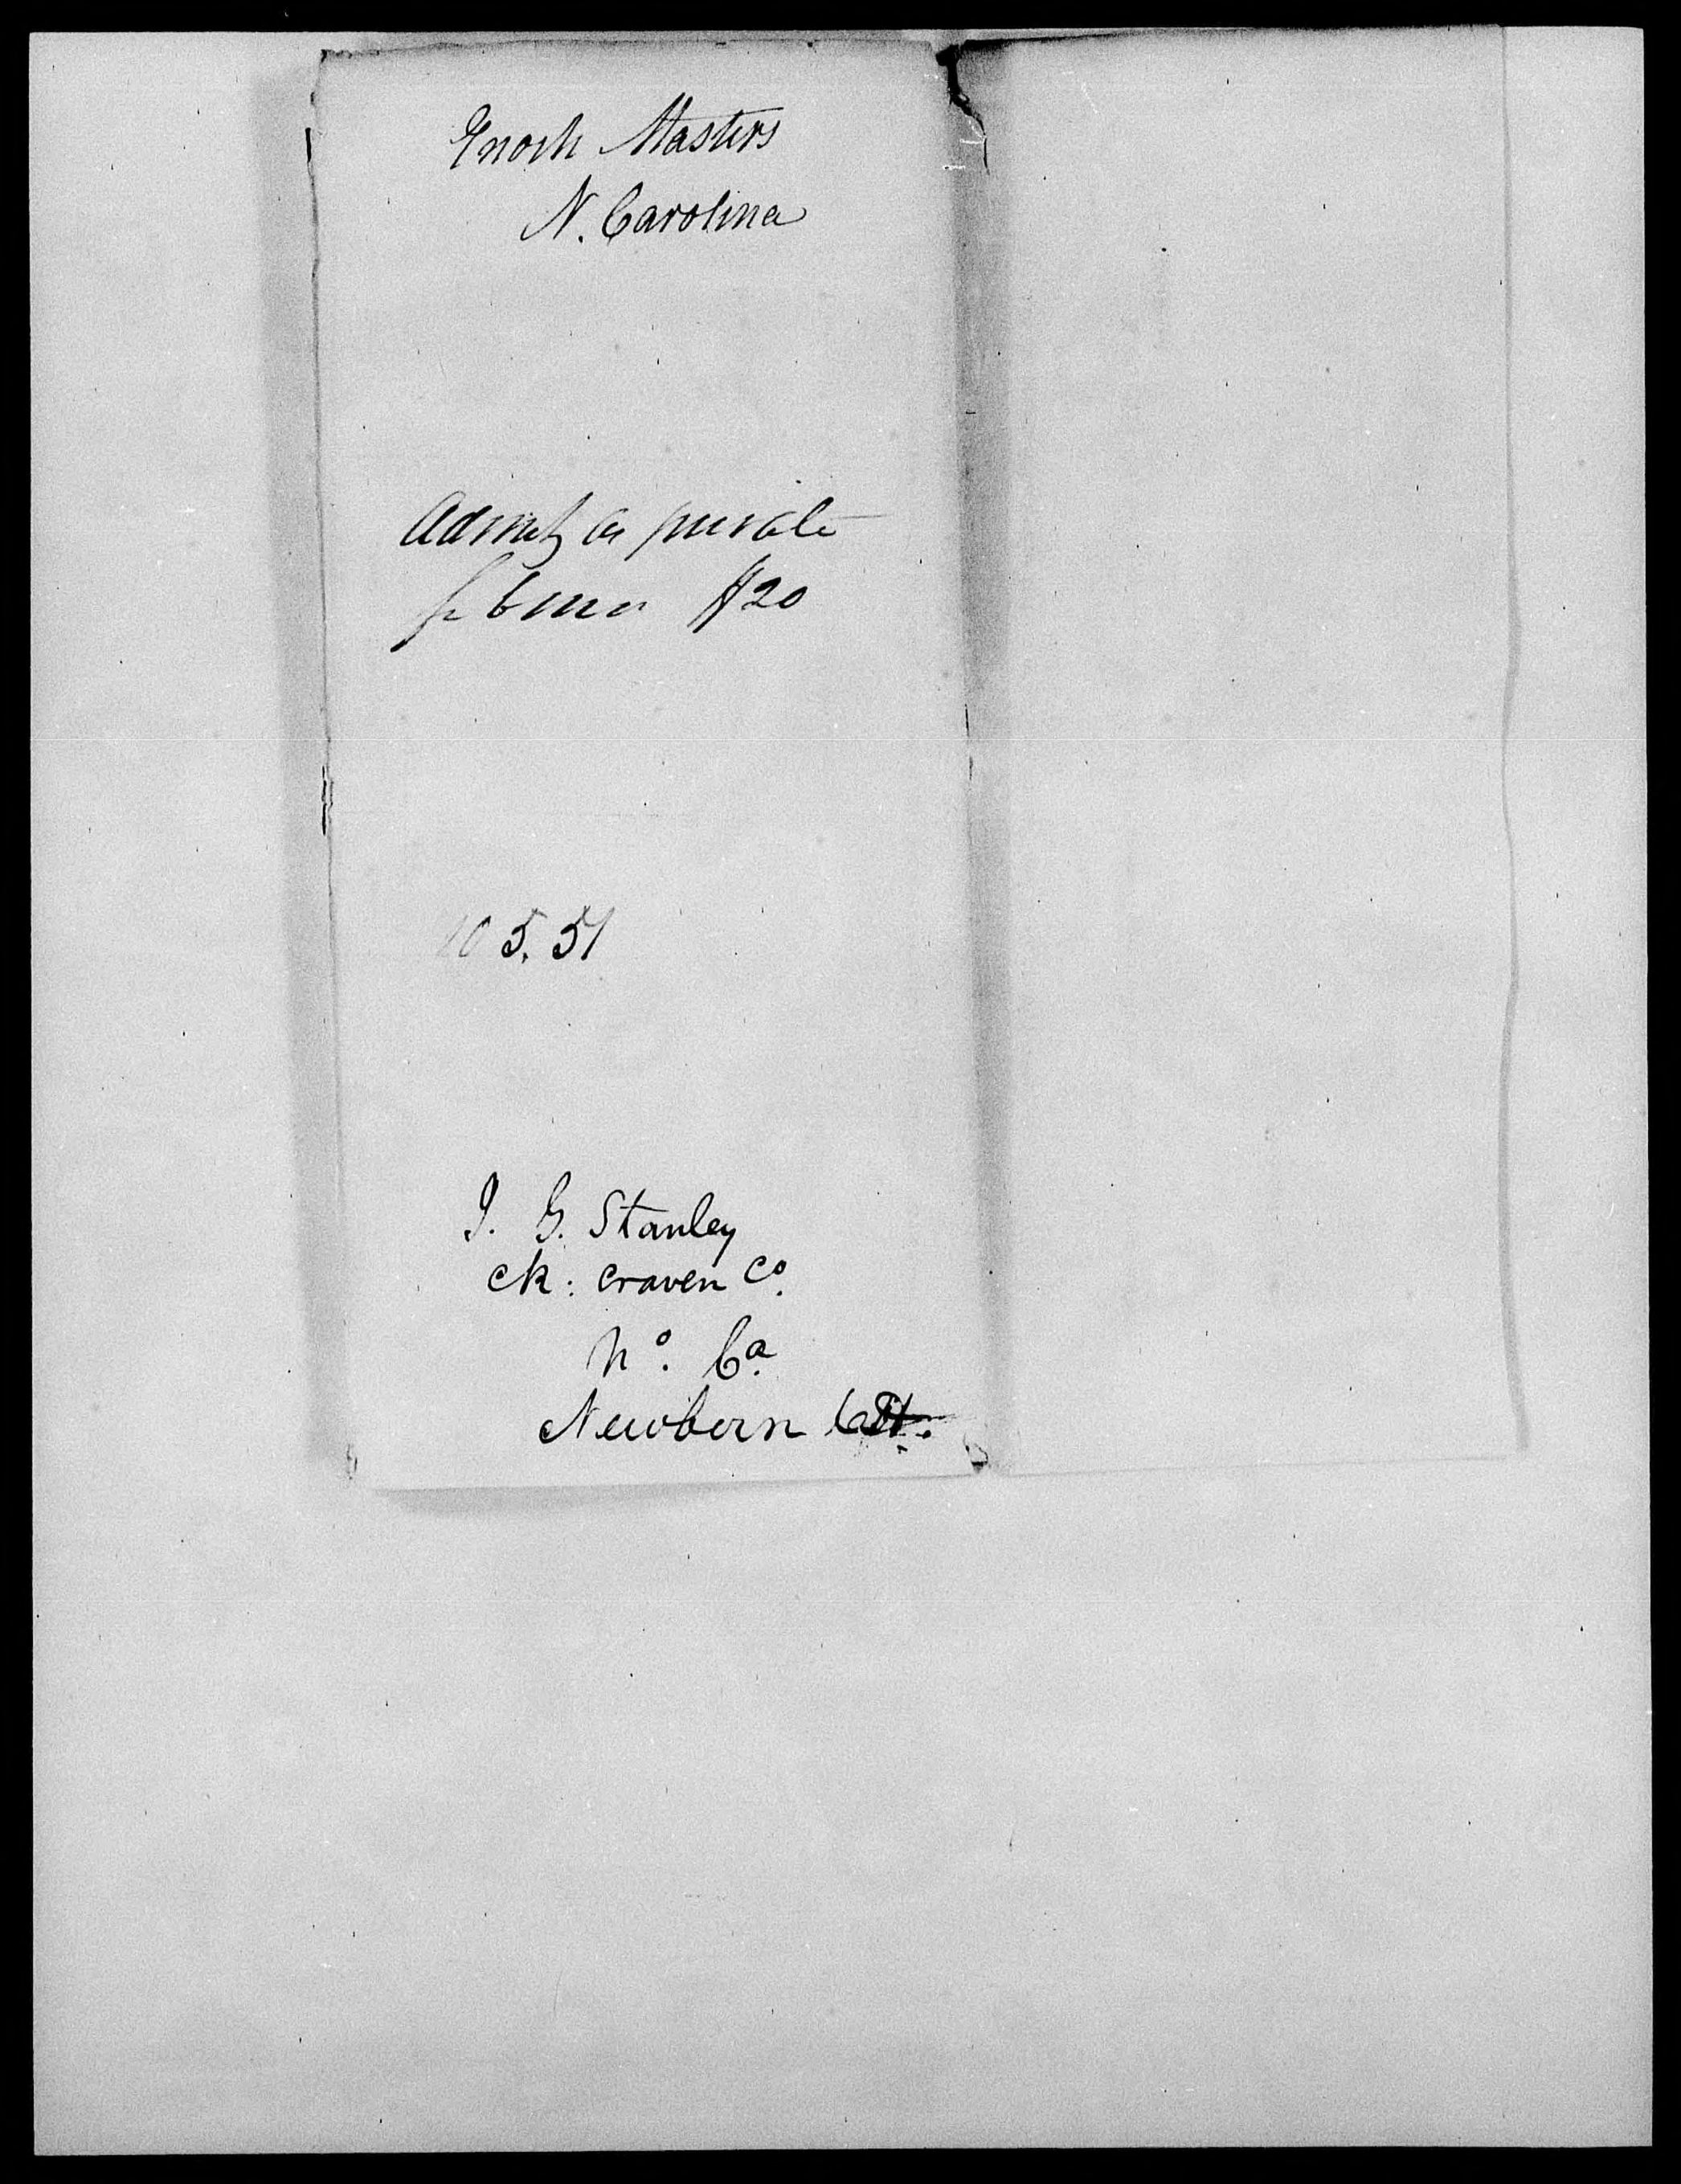Enoch Masters
N. Carolina

Admit as [illegible]
[illegible] $20
105.51

J G Stanley
Ck: Craven Co
No Ca
Newbern CH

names: J G Stanley; Enoch Masters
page: 3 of 15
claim: survivor's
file: S. 2749, for Enoch Masters, North Carolina